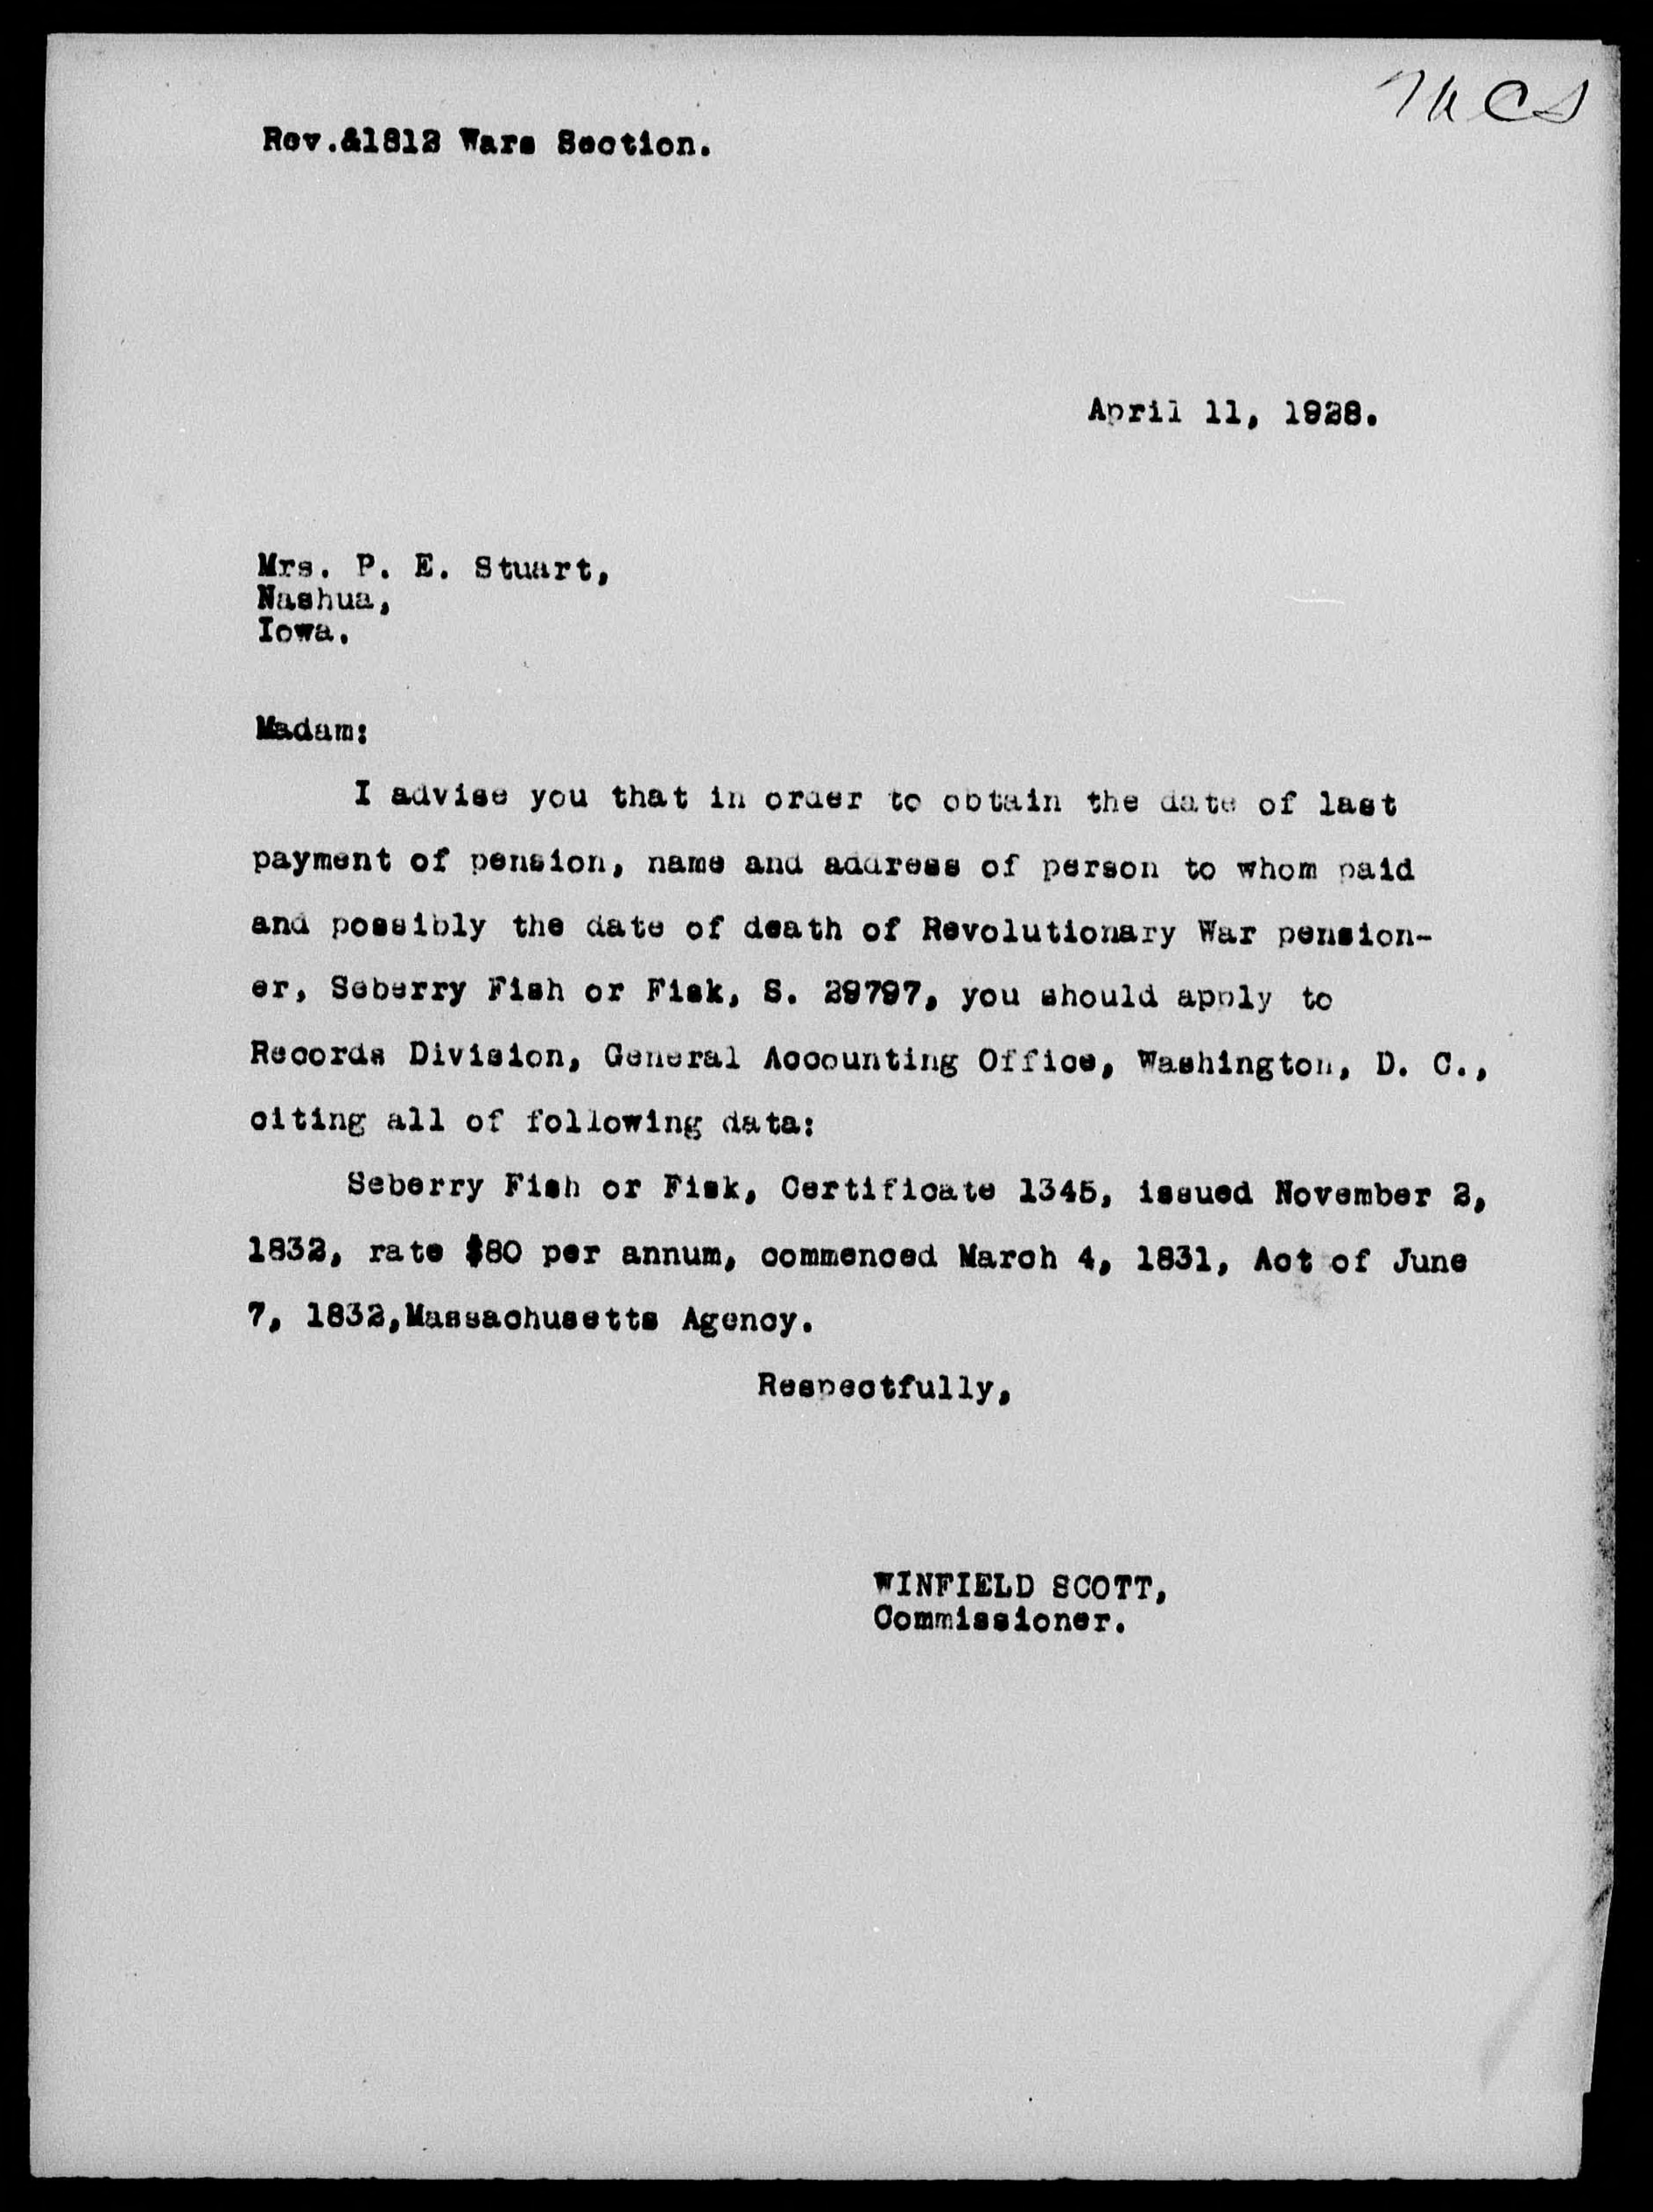[Typed letter]
Rev.&1812 Wars Section.  

[At the top right hand corner of this document, there are handwritten initials which appear to be:]  WCS [or MCS]

April 11, 1928.

Mrs. P. E. Stuart,
Nashua,
Iowa,

Madam:  
I advise you that in order to obtain the date of last payment of pension, name and address of person to whom paid and possibly the date of death of Revolutionary War pensioner, Seberry Fish or Fisk, S. 29797, you should apply to Records Division, General Accounting Office, Washington, D. C., citing all of following data:

Seberry Fish or Fisk, Certificate 1345, issued November 2, 1832, rate $80 per annum, commenced March 4, 1831, Act of June 7, 1832, Massachusetts Agency.

Respectfully,
[No signature]

WINFIELD SCOTT,
Commissioner.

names: Seberry Fish, Seberry Fisk, P E Stuart, Winfield Scott, Seberry Fisk, Seberry Fish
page: 26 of 26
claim: survivor's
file: S. 29797, Seberry Fish, New York